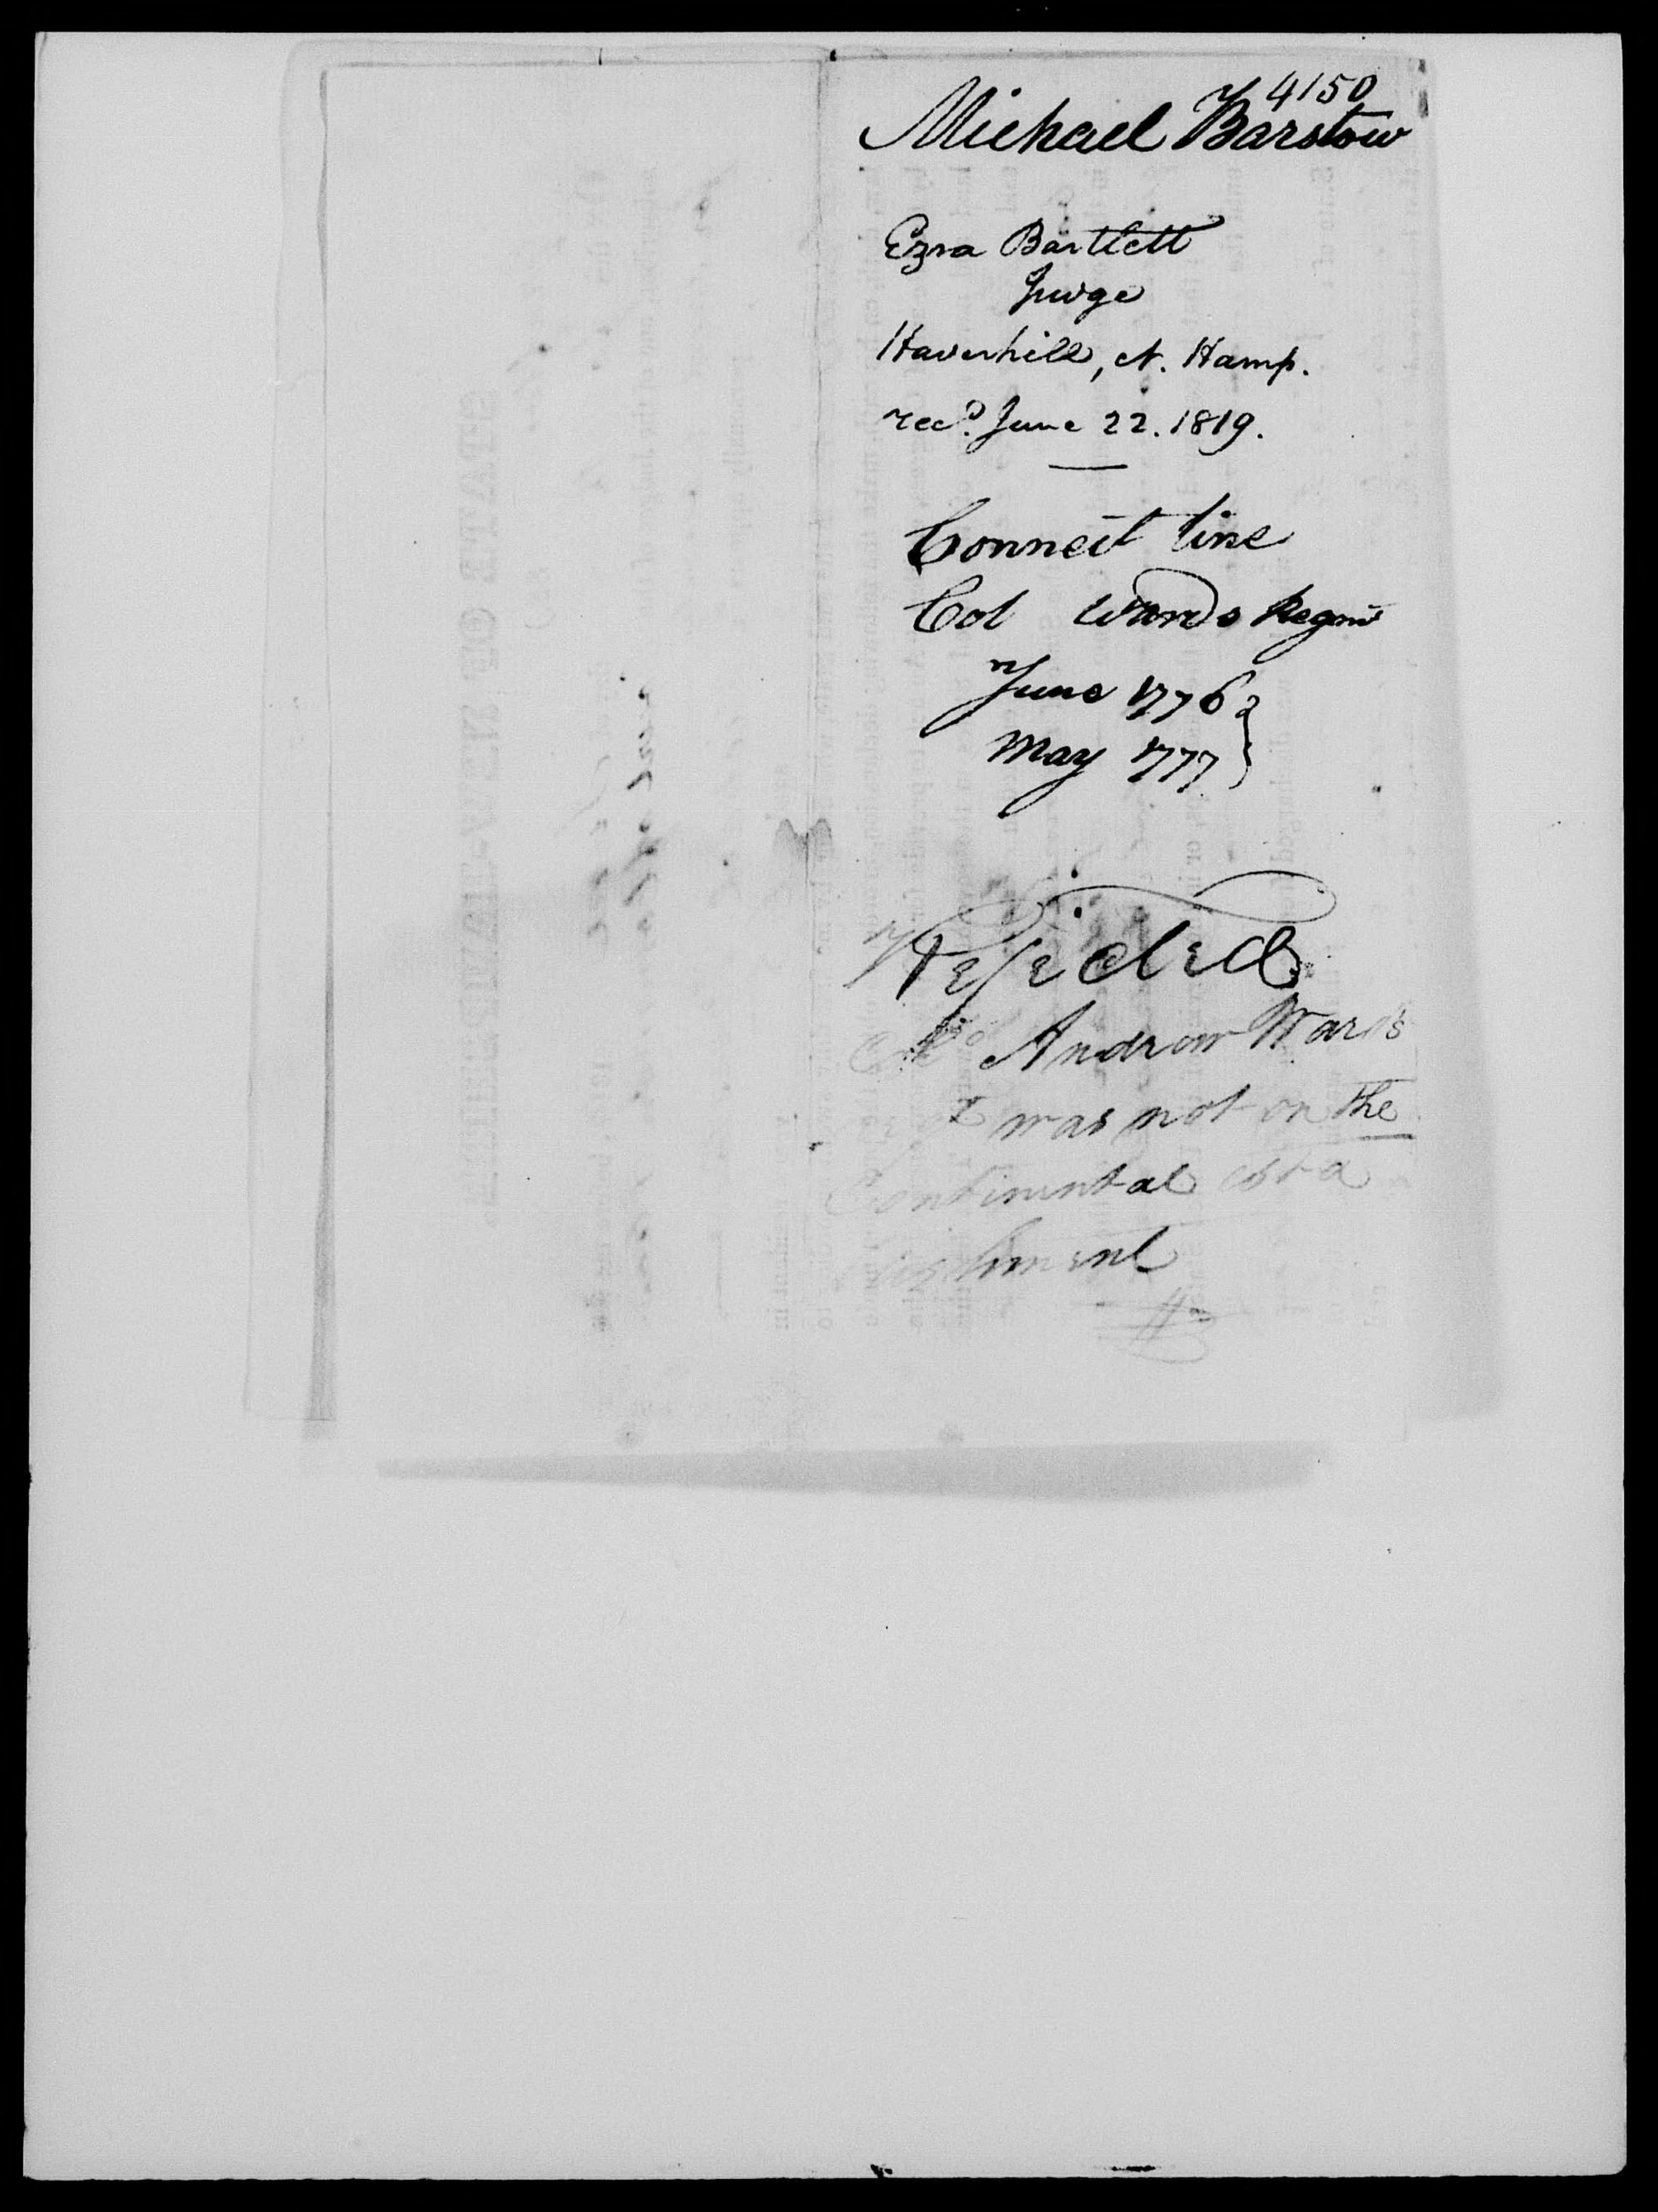4150
Michael Barstow

Ezra Bartlett
Judge
Haverhill, N Hamp.
recd June 22, 1819

Connect. line
Col.  [illegible]
June 1776
May 1777
Andrew Wars
was not on the
Continental [illegible]
Rejected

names: Michael Barstow, Andrew Wards, Ezra Bartlett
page: 3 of 22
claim: survivor's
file: S. 45,519, Michael Barstow, Conn.